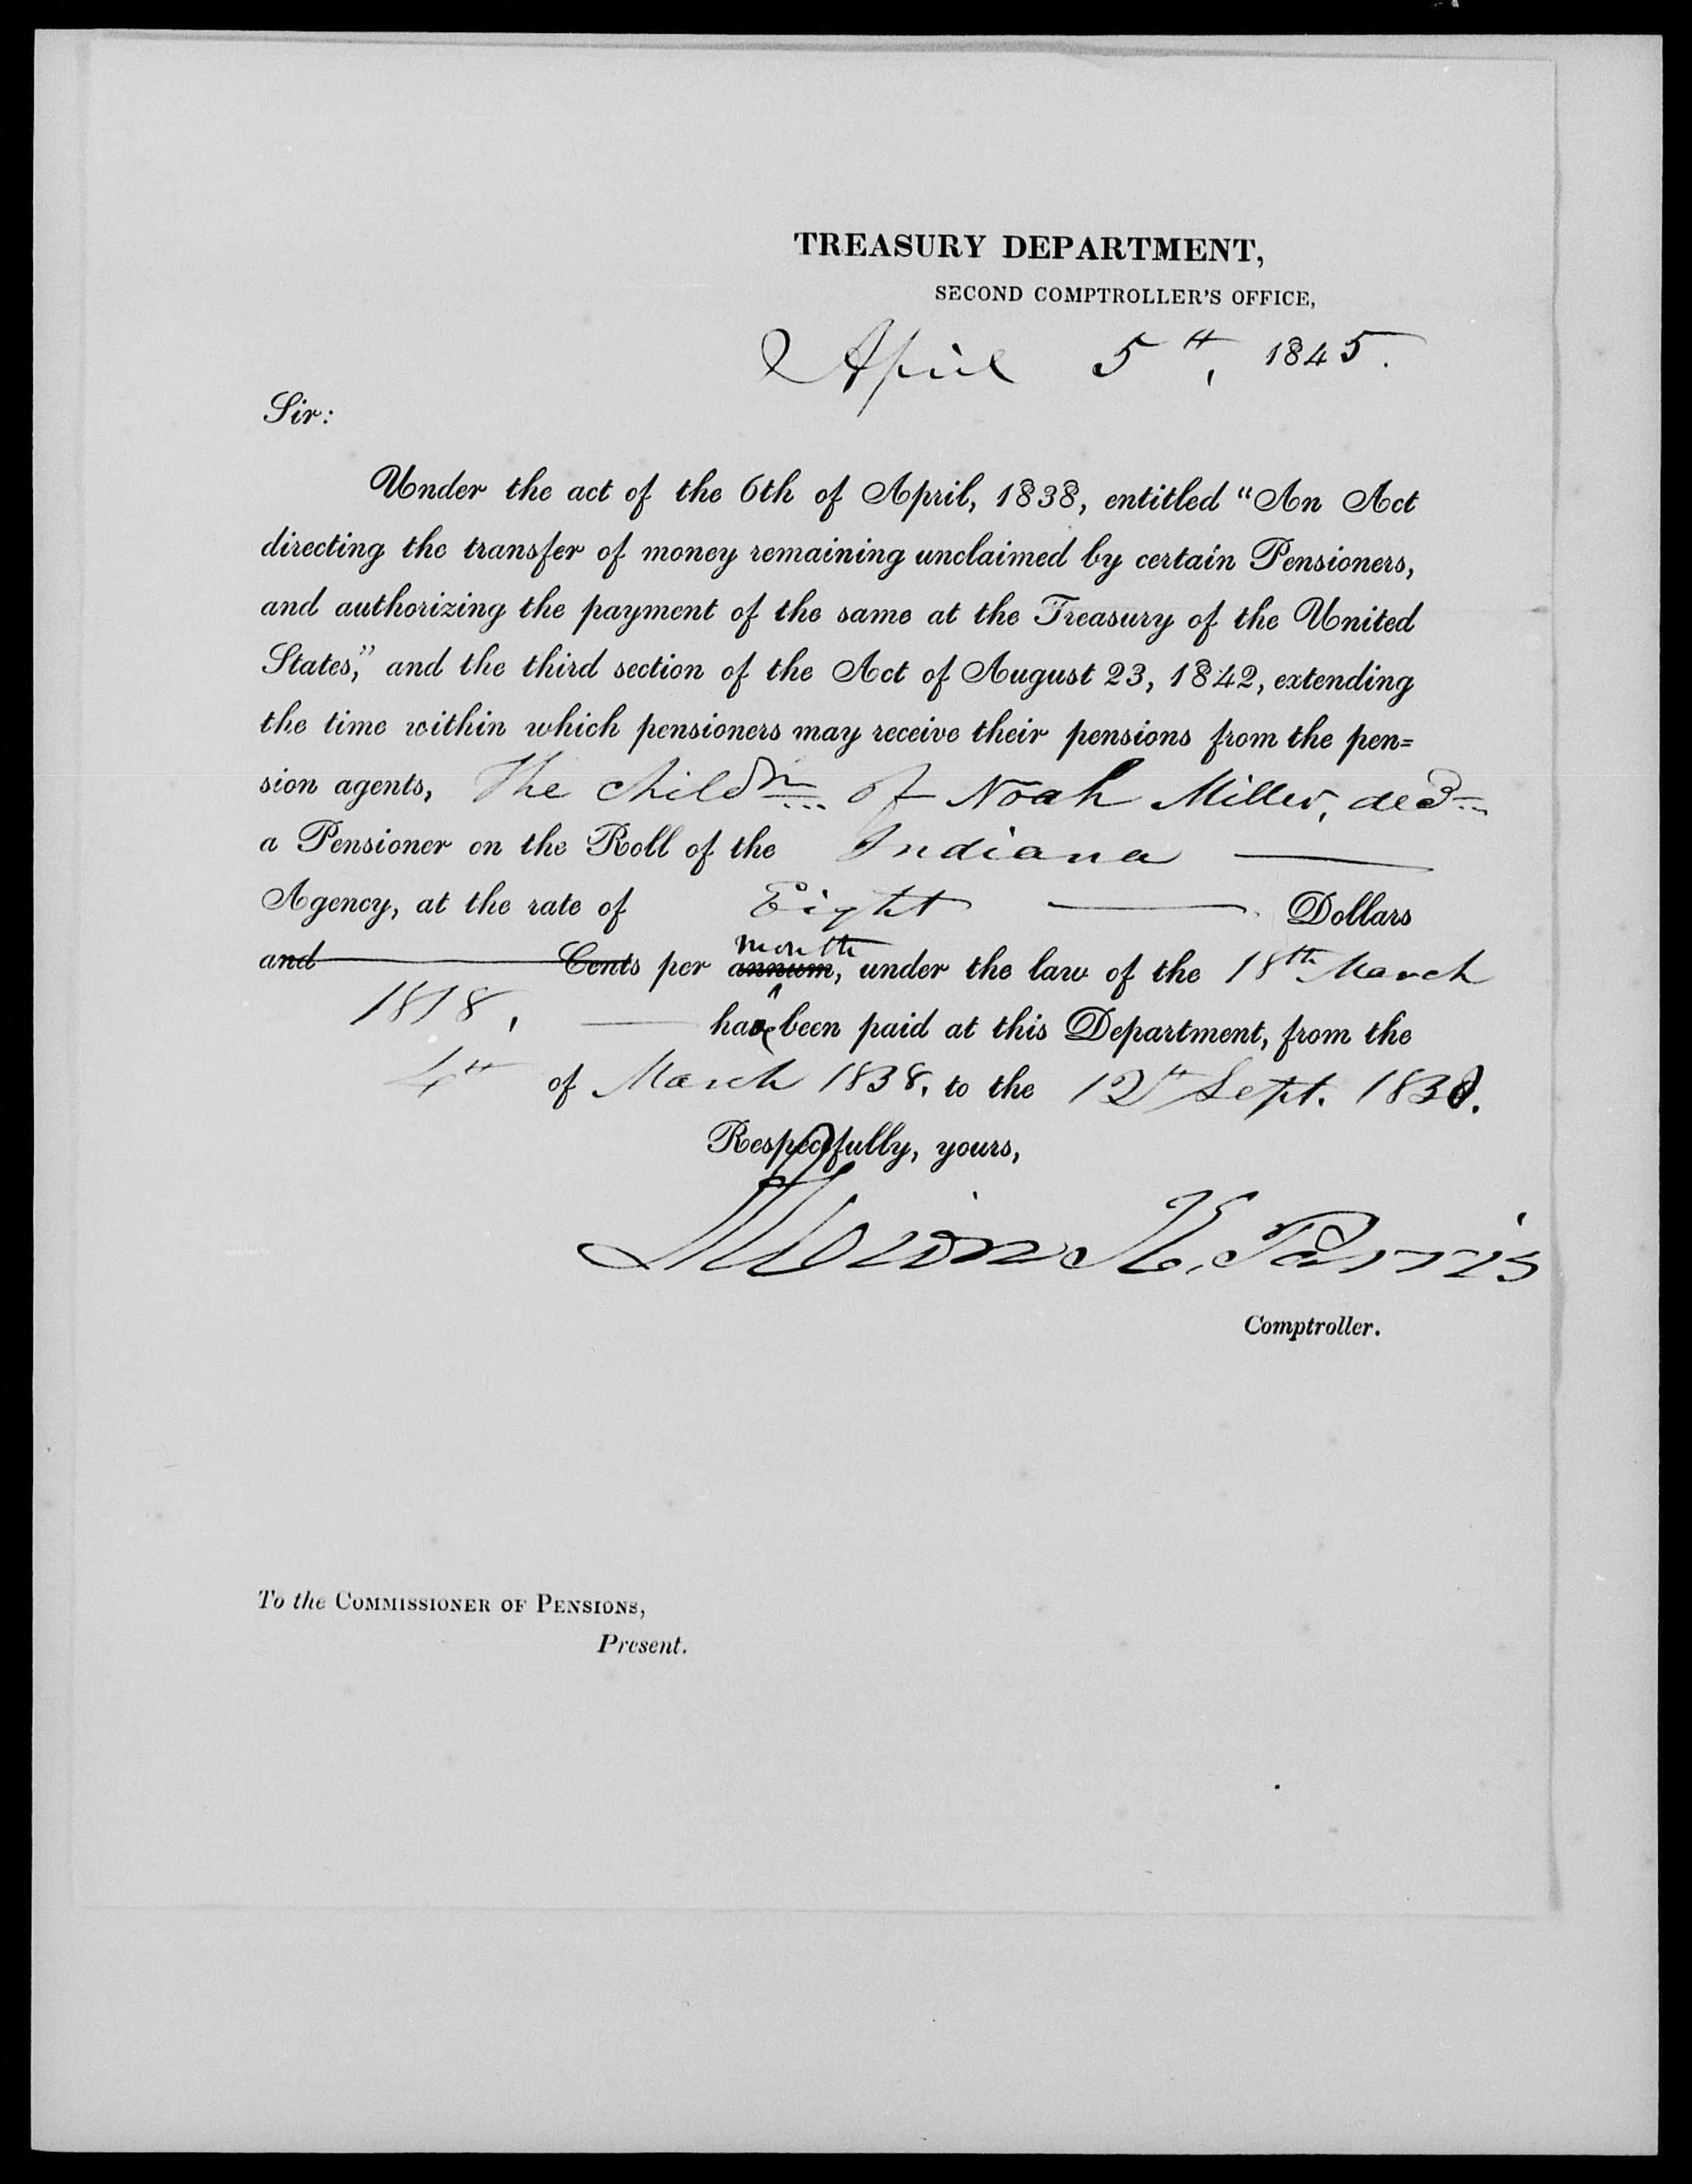TREASURY DEPARTMENT
SECOND COMPTROLLER'S OFFICE

April 5th, 1845

Sir:

Under the act of the 6th of april 1838, entitled " An Act directing the transfer of money remaining unclaimed by certain Pensioners, and authorizing the payment of the same at the Treasury of the United States," and the third section of the Act of August 23, 1842, extending the time within which the pensioners may receive their pensions from the pension agents, The child'rn of Noah Millr, Dec'd a Pensioner on the Roll of the Indiana Agency, at the rate of eight Dollars per month, under the law of the 18th March 1818, has been paid at this Department from the 4th of March 1838 to the 12th Sept. 1830.

Respectfully yours,

Albion K. Parris, Comptroller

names: Noah Miller; Albion K Parris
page: 12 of 20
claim: survivor's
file: S. 36129, for Noah Miller, New Jersey